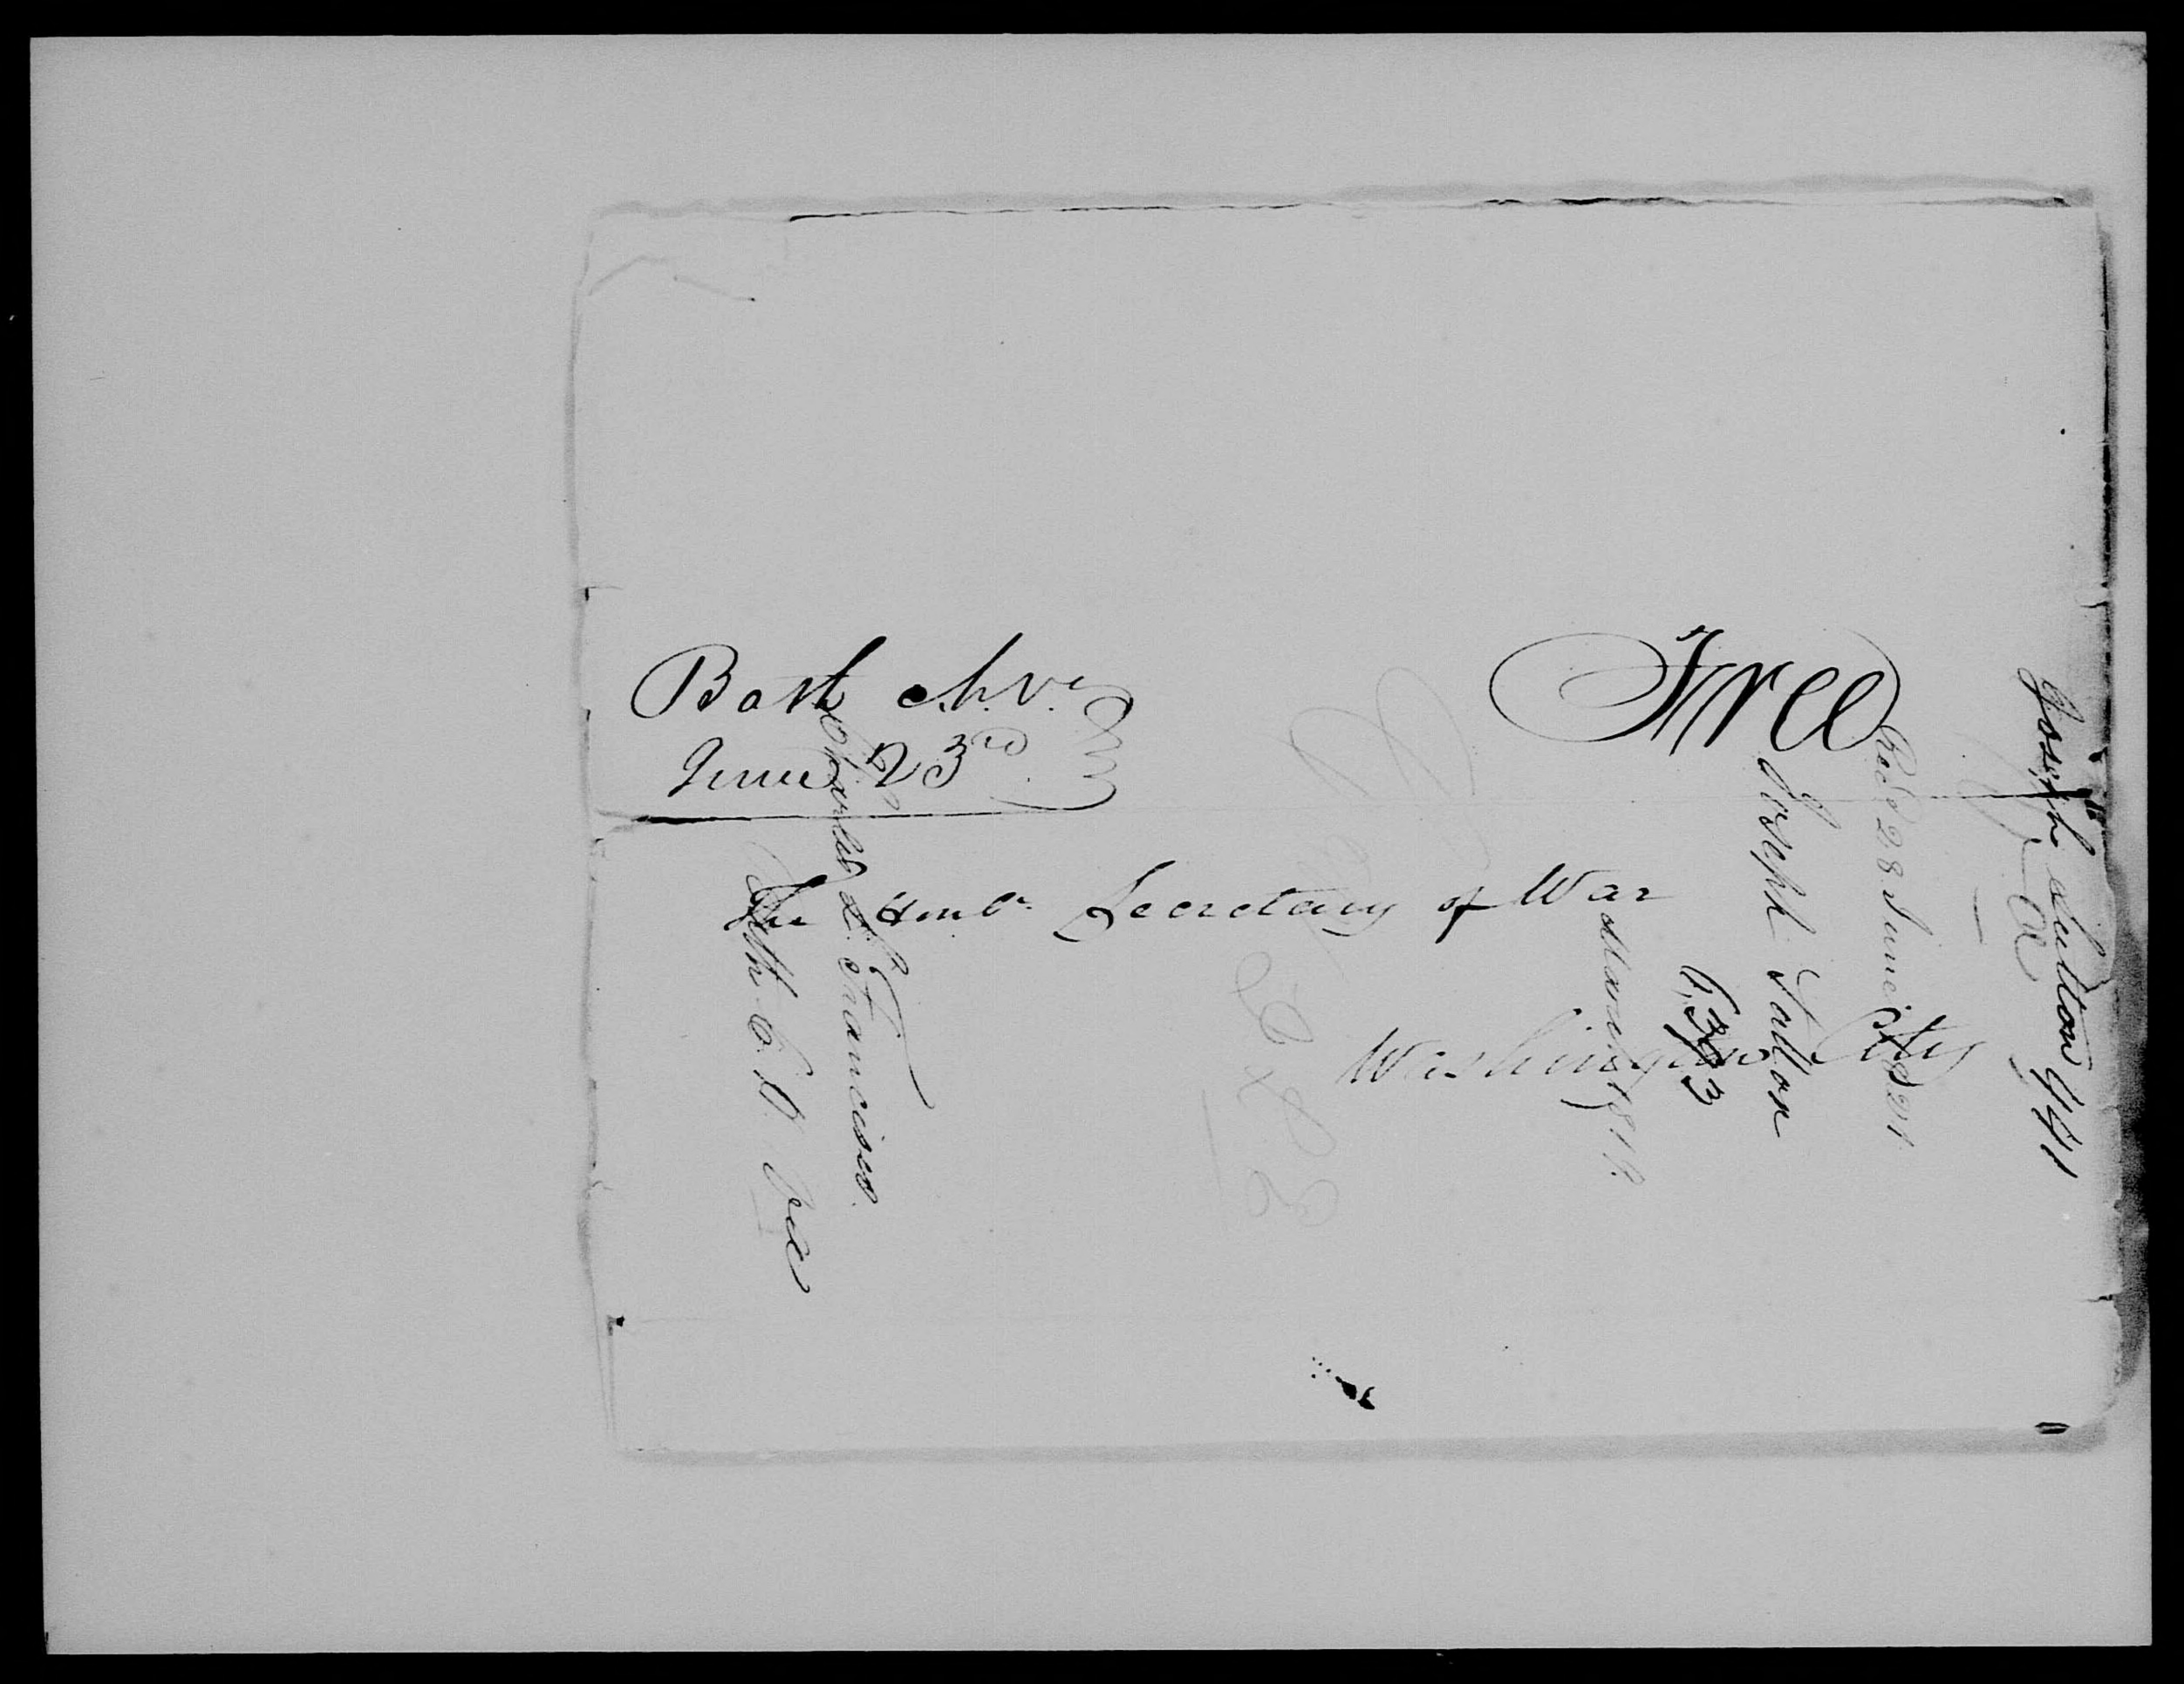Bath Court House
June 23rd
the Honorable Secretary of War
Washington City
Free
Charles L. Francis
Bath Court House file
Joseph Sutton 441
VA
Received 28 June 1821
Joseph Sutton 
6393
March 1819
Court J.L.E.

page: 10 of 21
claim: survivor's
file: S. 41223, for Joseph Sutton, Virginia